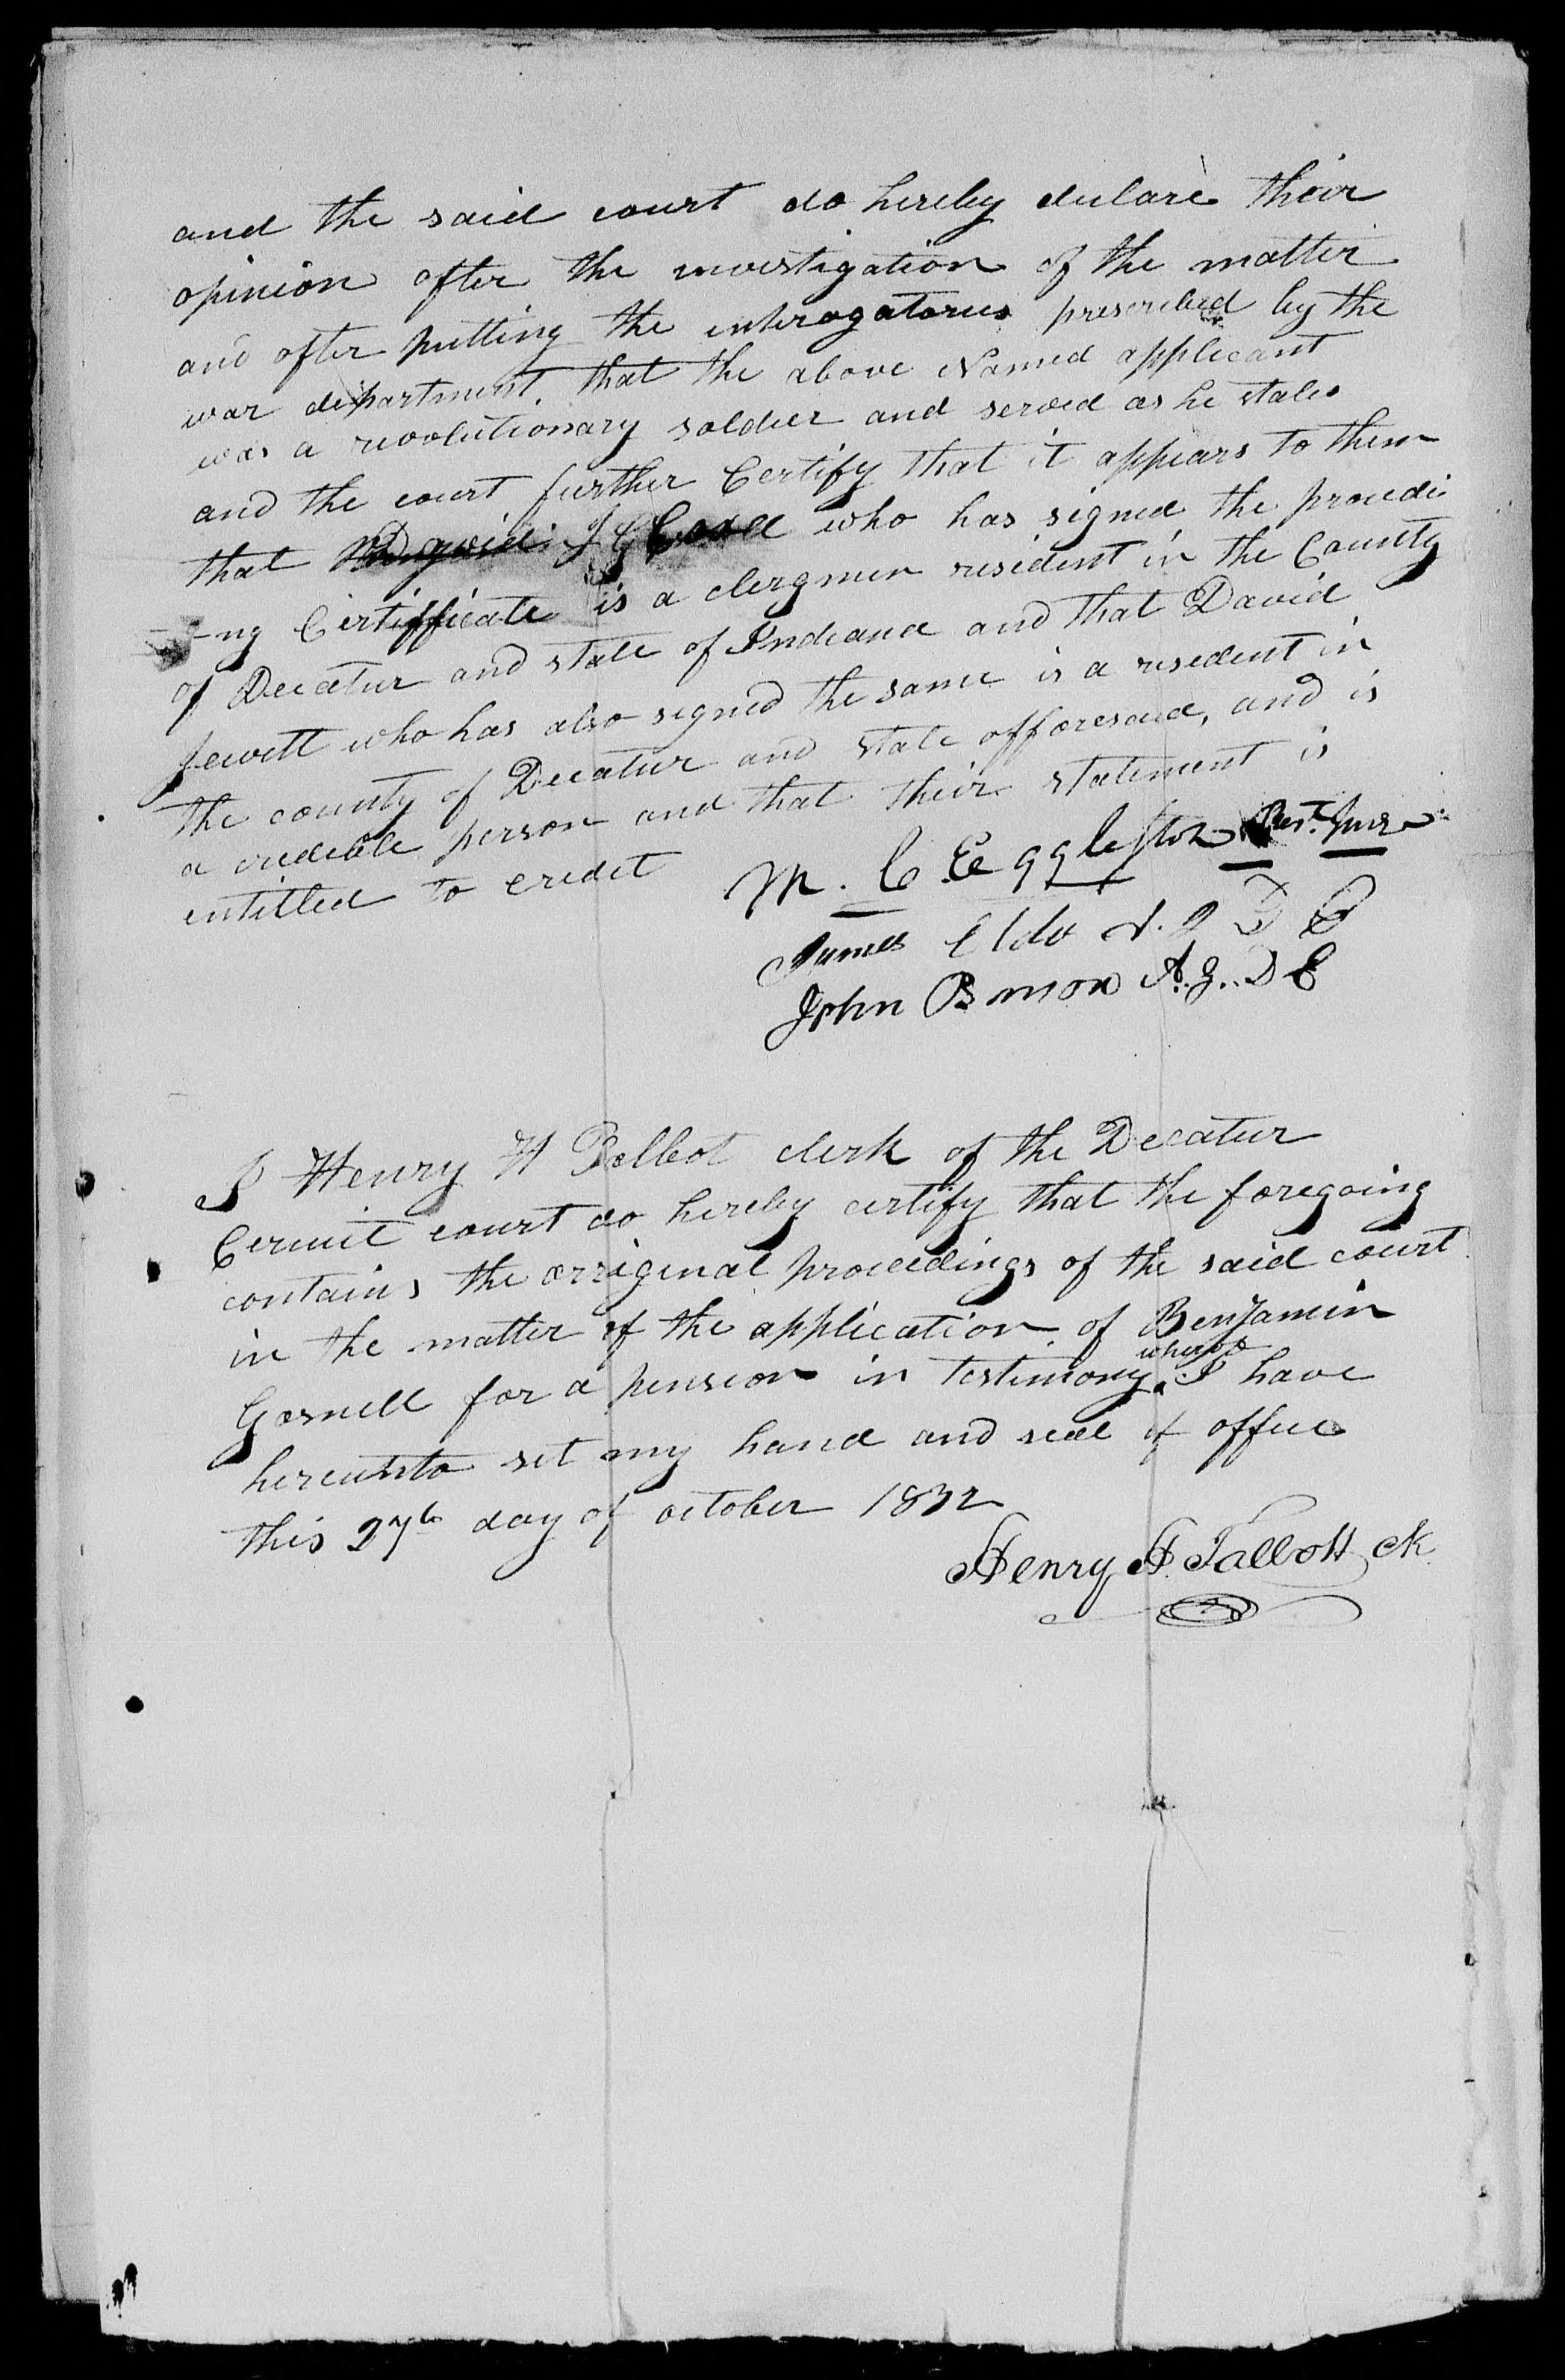and the said court do hereby declare their opinion after the investigation of the matter and after putting the interogatories [interrogatories] prescribed by the war department that the above Named applicant was a revolutionary soldier and served as he states and the court further certify that it appears to them that Benjamin Gosnell [crossed out and David J. Cox is overwritten] who signed the proceding [preceding] certifficate [certificate] is a clergyman resident in the county of Decatur and state of Indiana and that David Jewett who has also signed the same is a resident in the county of Decatur and state of Indiana afforesaid, and is a credible person and that their statement is entitled to credit
M.C. Eggleston Cirt. Judge
James Eldo A.G.D.E.
John Benson A.G.D.E.

I Henry H. Talbot clerk of the Decatur Circuit court do hereby certify that the foregoing contains the original proceedings of the said court in the matter of the application of Benjamin Gosnell for a pension in testimony wherof I have hereunto set my hand and seal of office this 27th day of october 1832
Henry H. Talbot, ck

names: John Benson, James Eldo, Henry H Talbot, David Jewett, Benjamin Gosnell, David J Cox, Henry H Talbott, M C Eggleston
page: 8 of 39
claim: widow's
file: W. 11060, Benjamin Gosnell, Va.